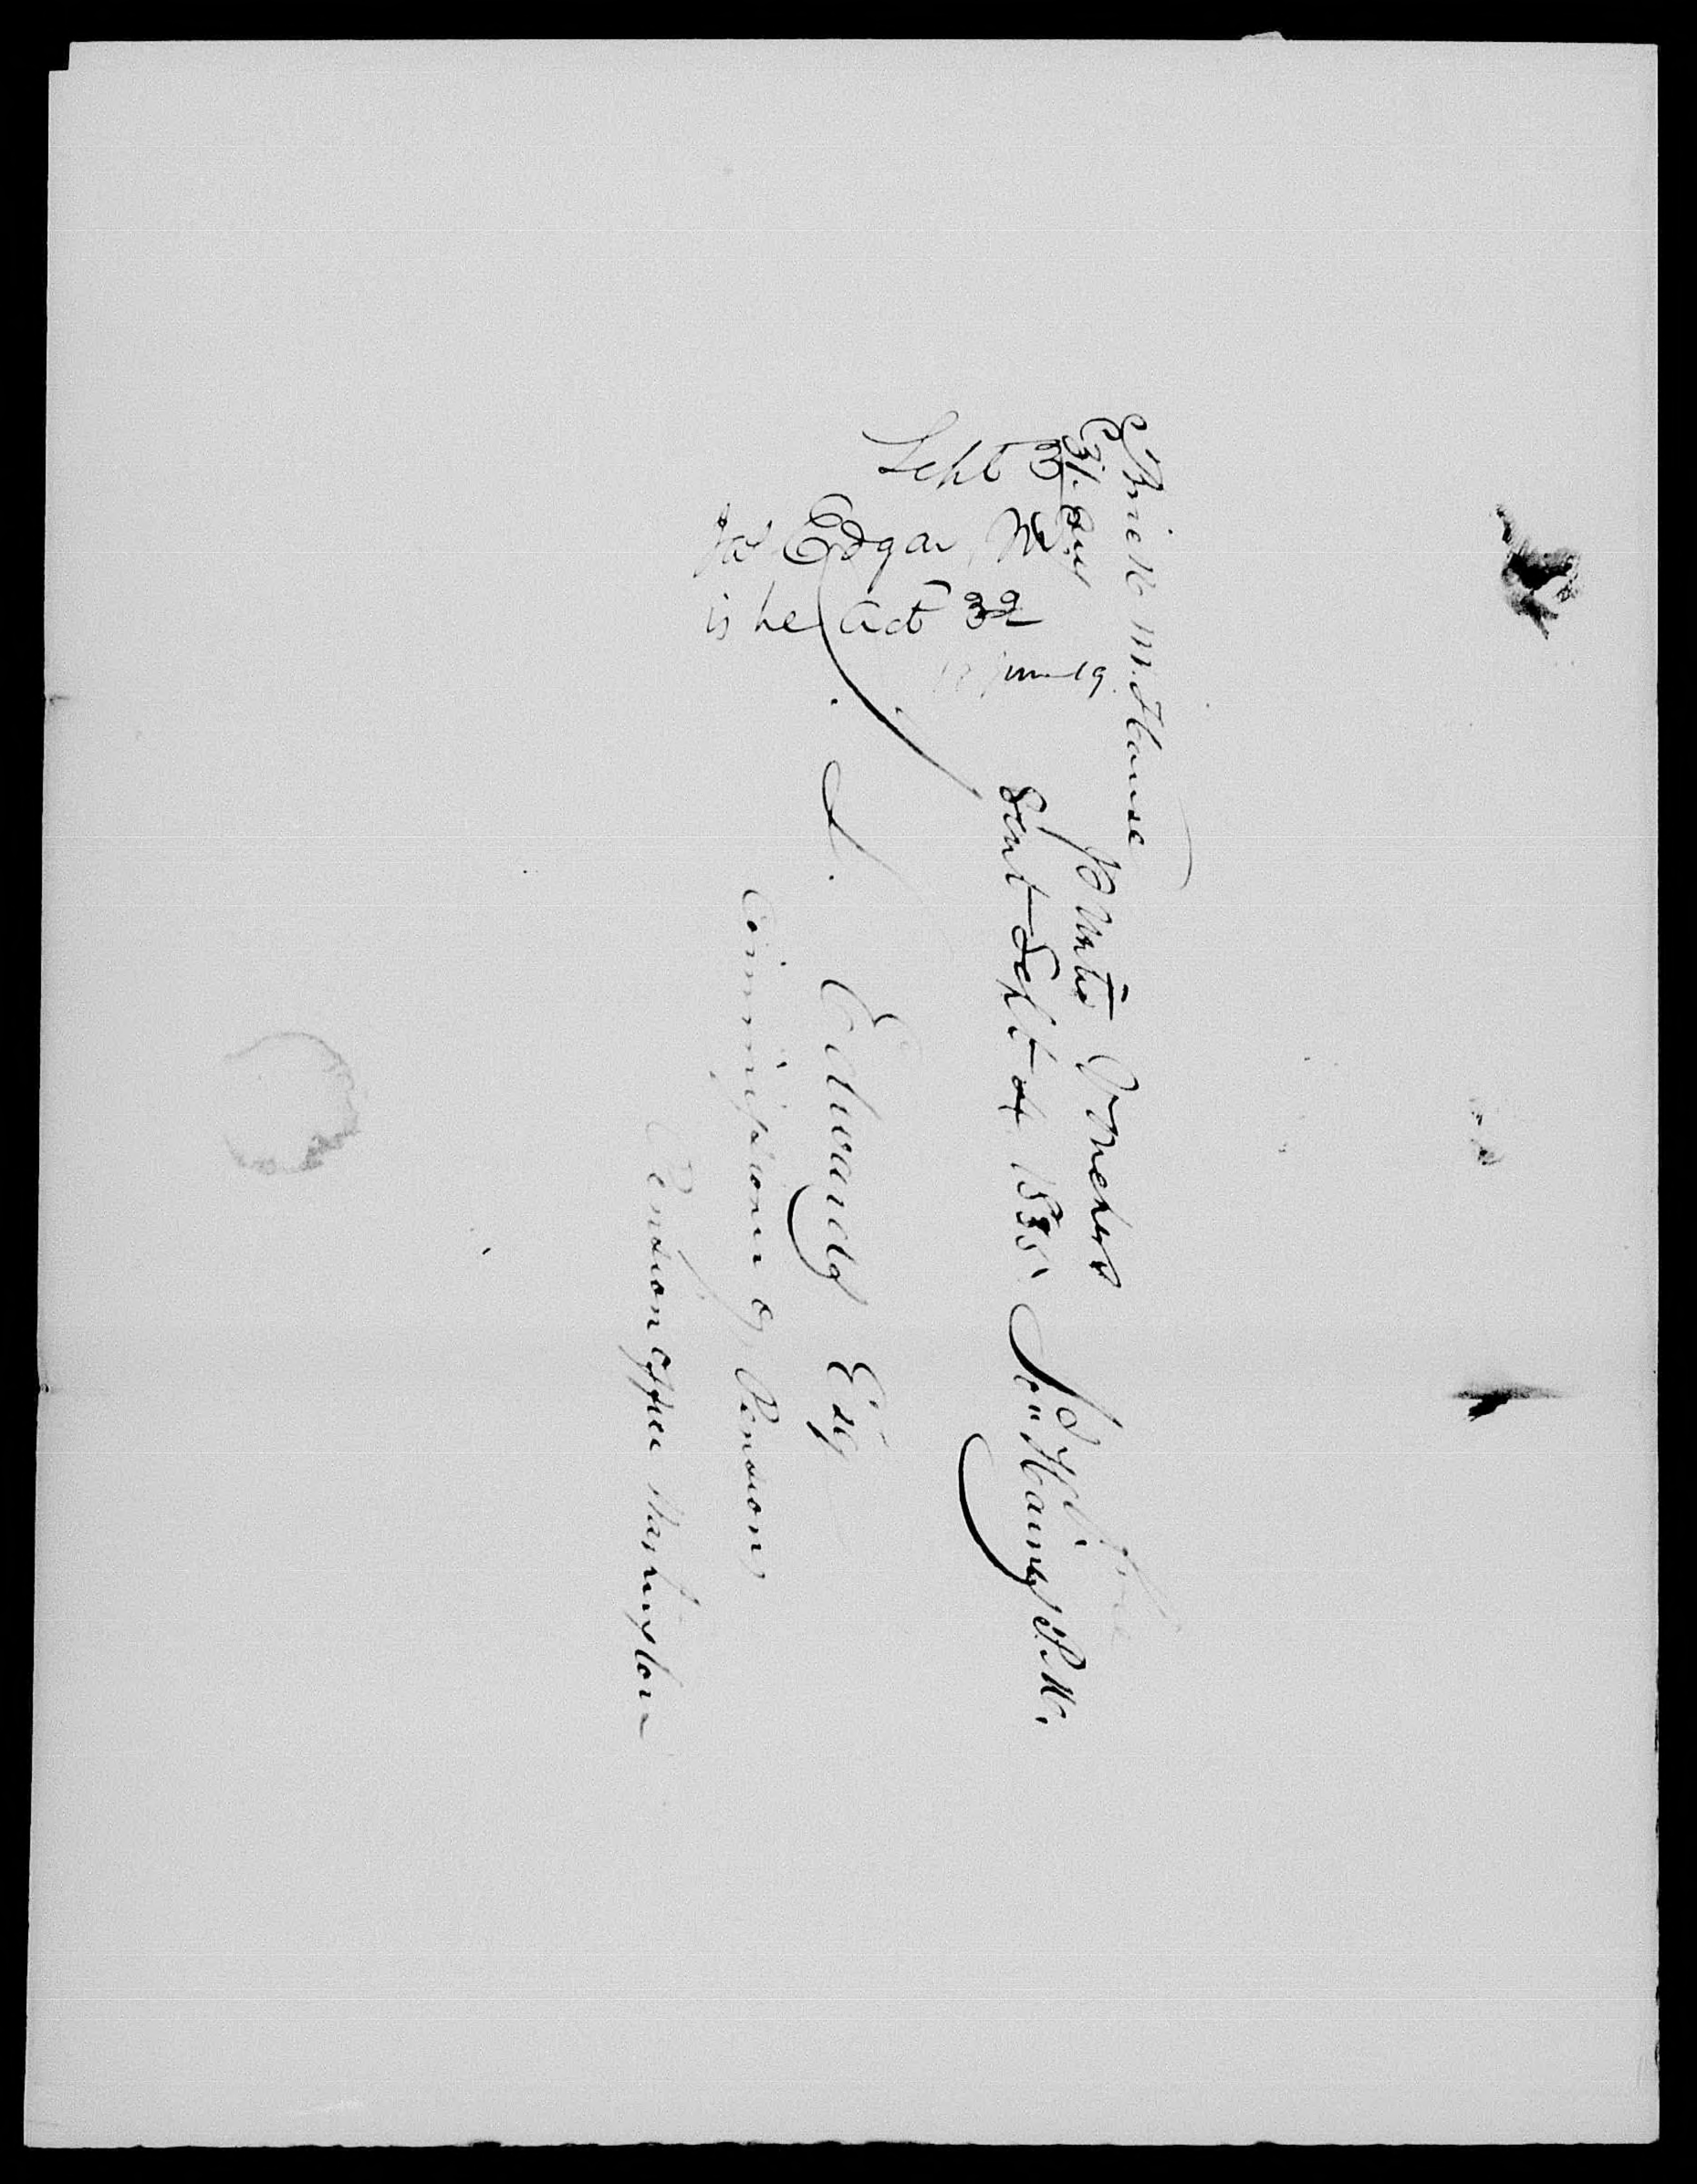Sept 3
Jas Edgar, Md
is he Act 32
12 June 19

[vertically on the page follows]
Briell W. House
31 Aug

JP United Voneher
Sent Sept 4 1835 Jos Haines P.M.  free

J. L. Edwards Esq
Commissioner of Pensions
Pension Office Washington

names: Jas Edgar, J L Edwards, Jos Haines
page: 64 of 74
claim: widow's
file: W. 9422, James Edgar, Penn.